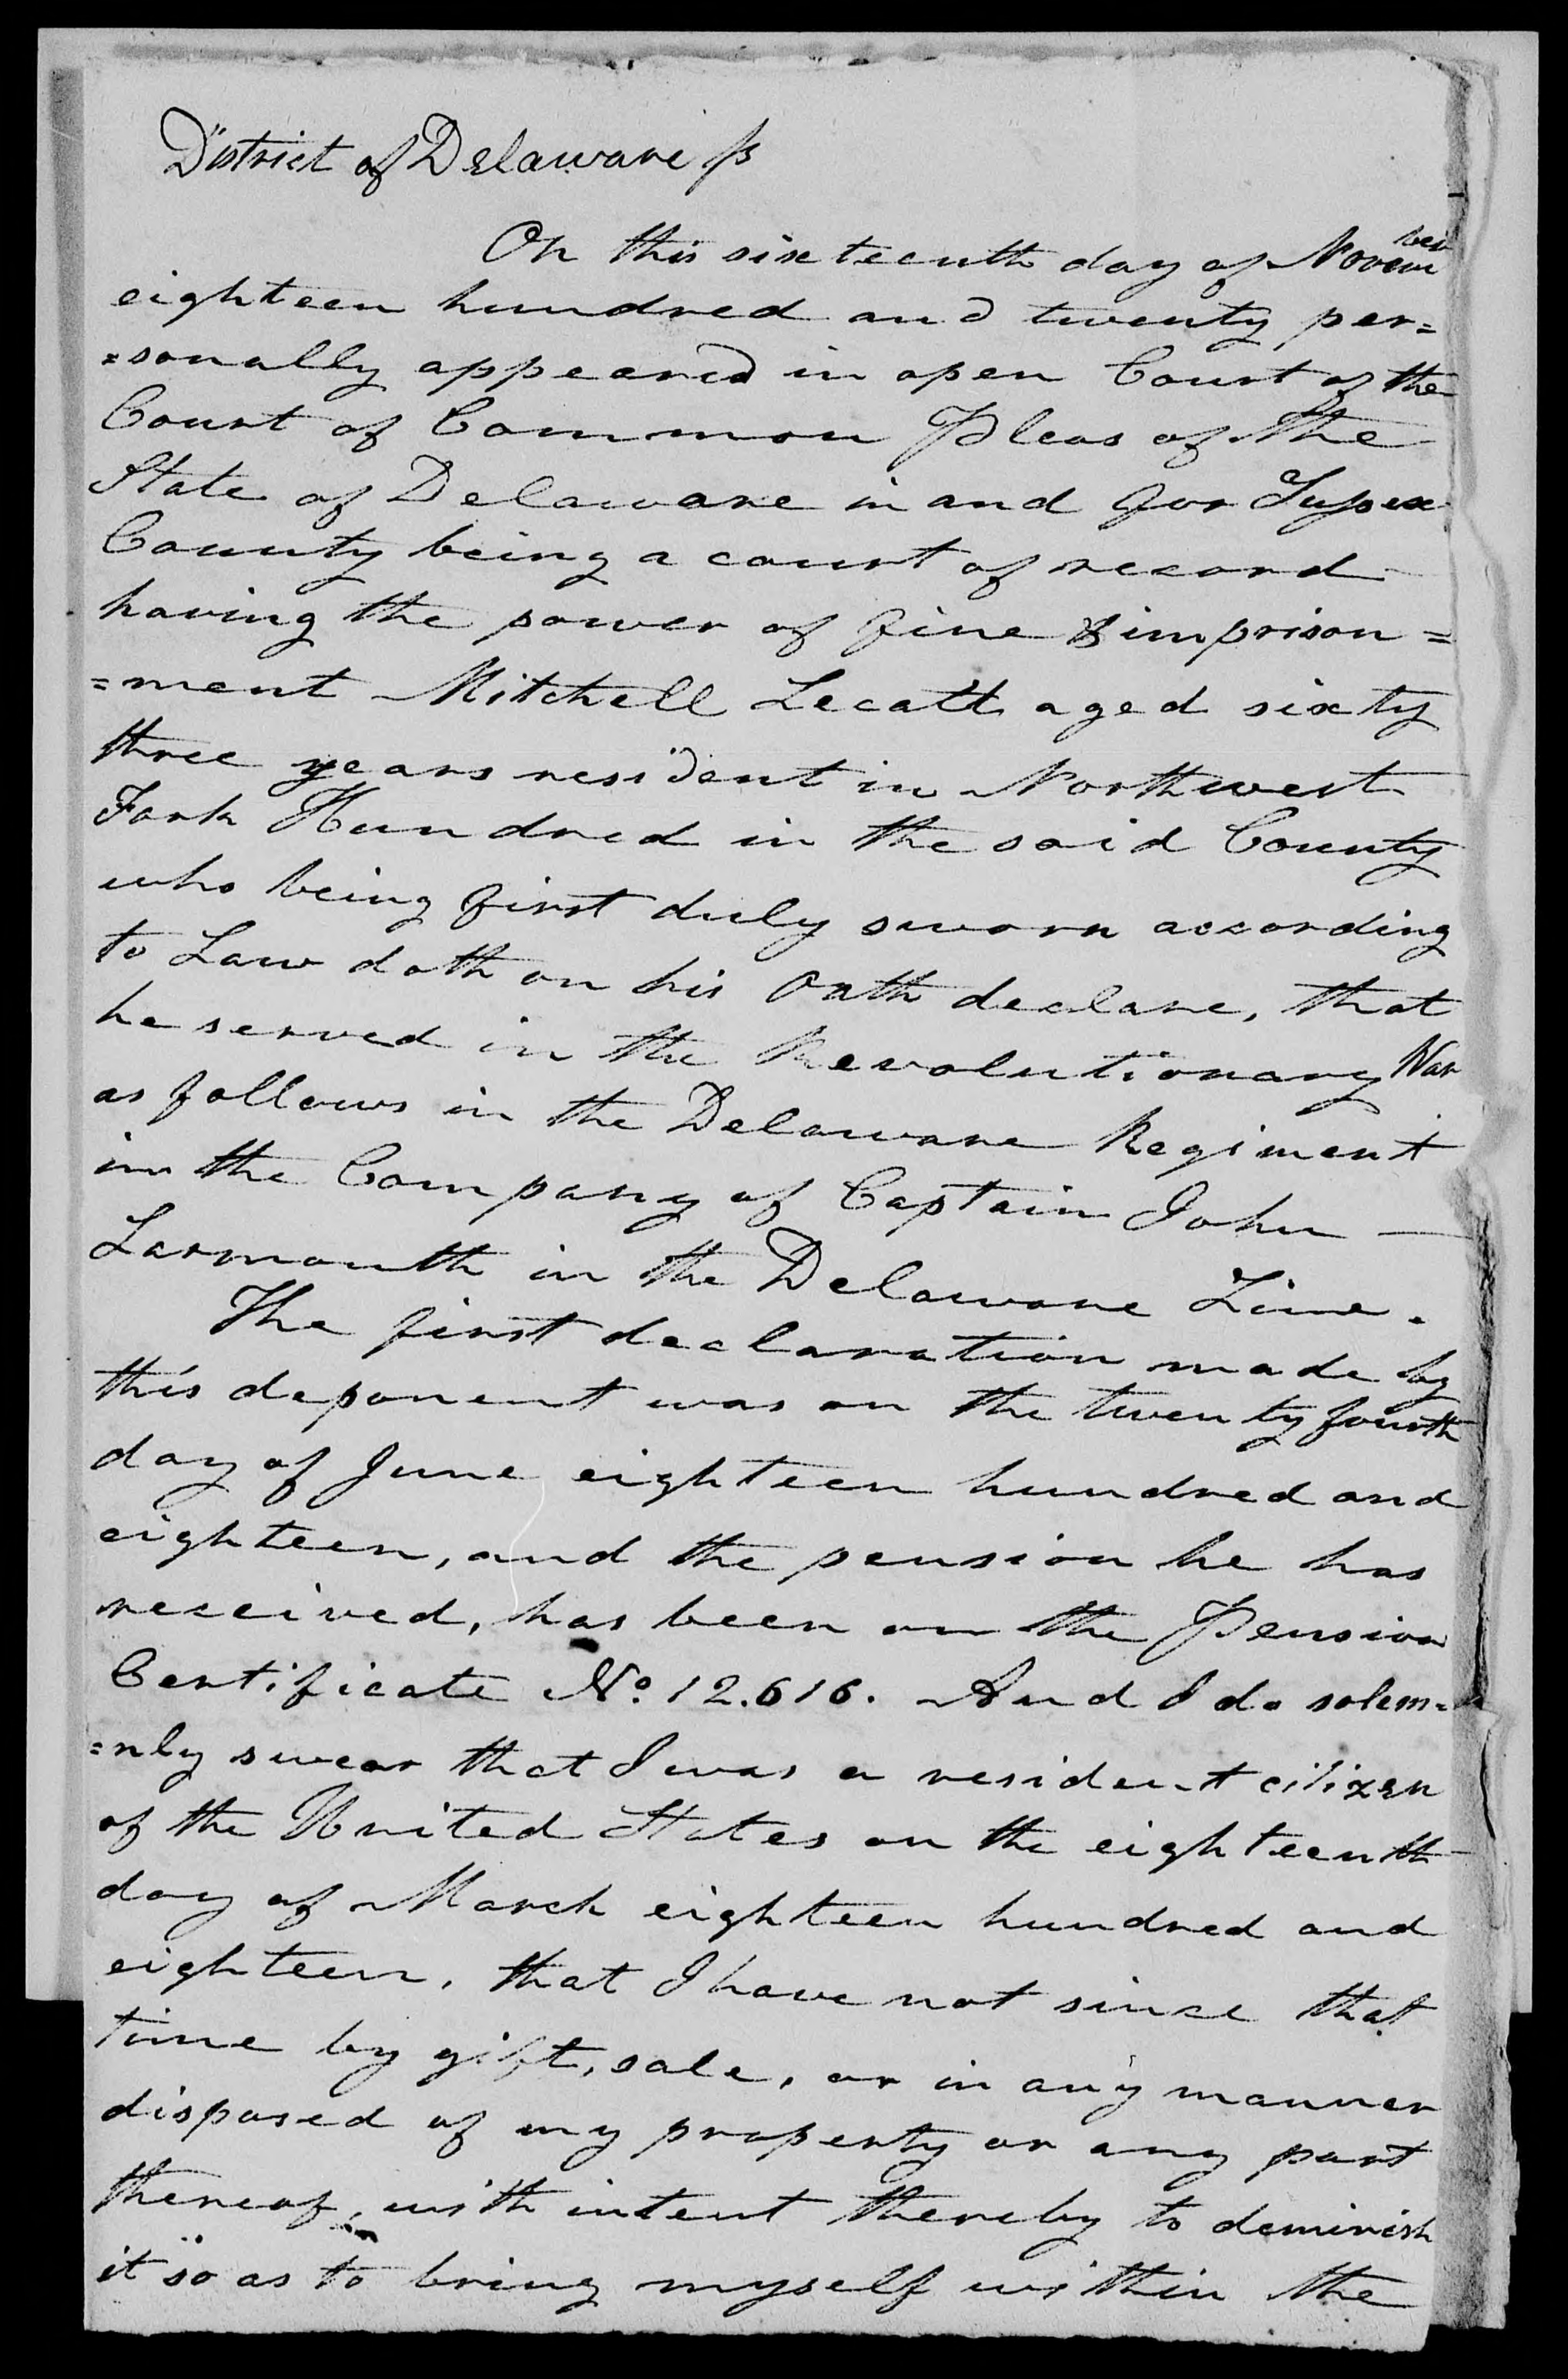District of Delaware Ss
On this sixteenth day of November eighteen hundred and twenty personally appeared in open Court of the Court of Common Pleas of the State of Delaware in and for Sussex County being a court of record having the power of fine & imprisonment Mitchell Lecatt aged sixty three years resident in Northwest Fork Hundred in the said County who being first duly sworn according to Law doth on his oath declare, that he served in the Revolutionary War as follows in the Delaware Regiment in the Company of Captain John Larmouth in the Delaware Line.
The first declaration made by this deponent was on the twenty fourth day of June eighteen hundred and eighteen, and the pension he has received, has been on the Pension Certificate No. 12.616. And I do solemnly swear that I was a resident citizen of the United State on the eighteenth day of March eighteen hundred and eighteen. that I have not since that time by gift, sale, or in any manner disposed of my property or any part thereof with intent thereby to diminish it so as to bring myself within the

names: Mitchell Lecatt; John Larmouth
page: 8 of 12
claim: survivor's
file: S. 36,040, for Mitchell Lecatt, Delaware